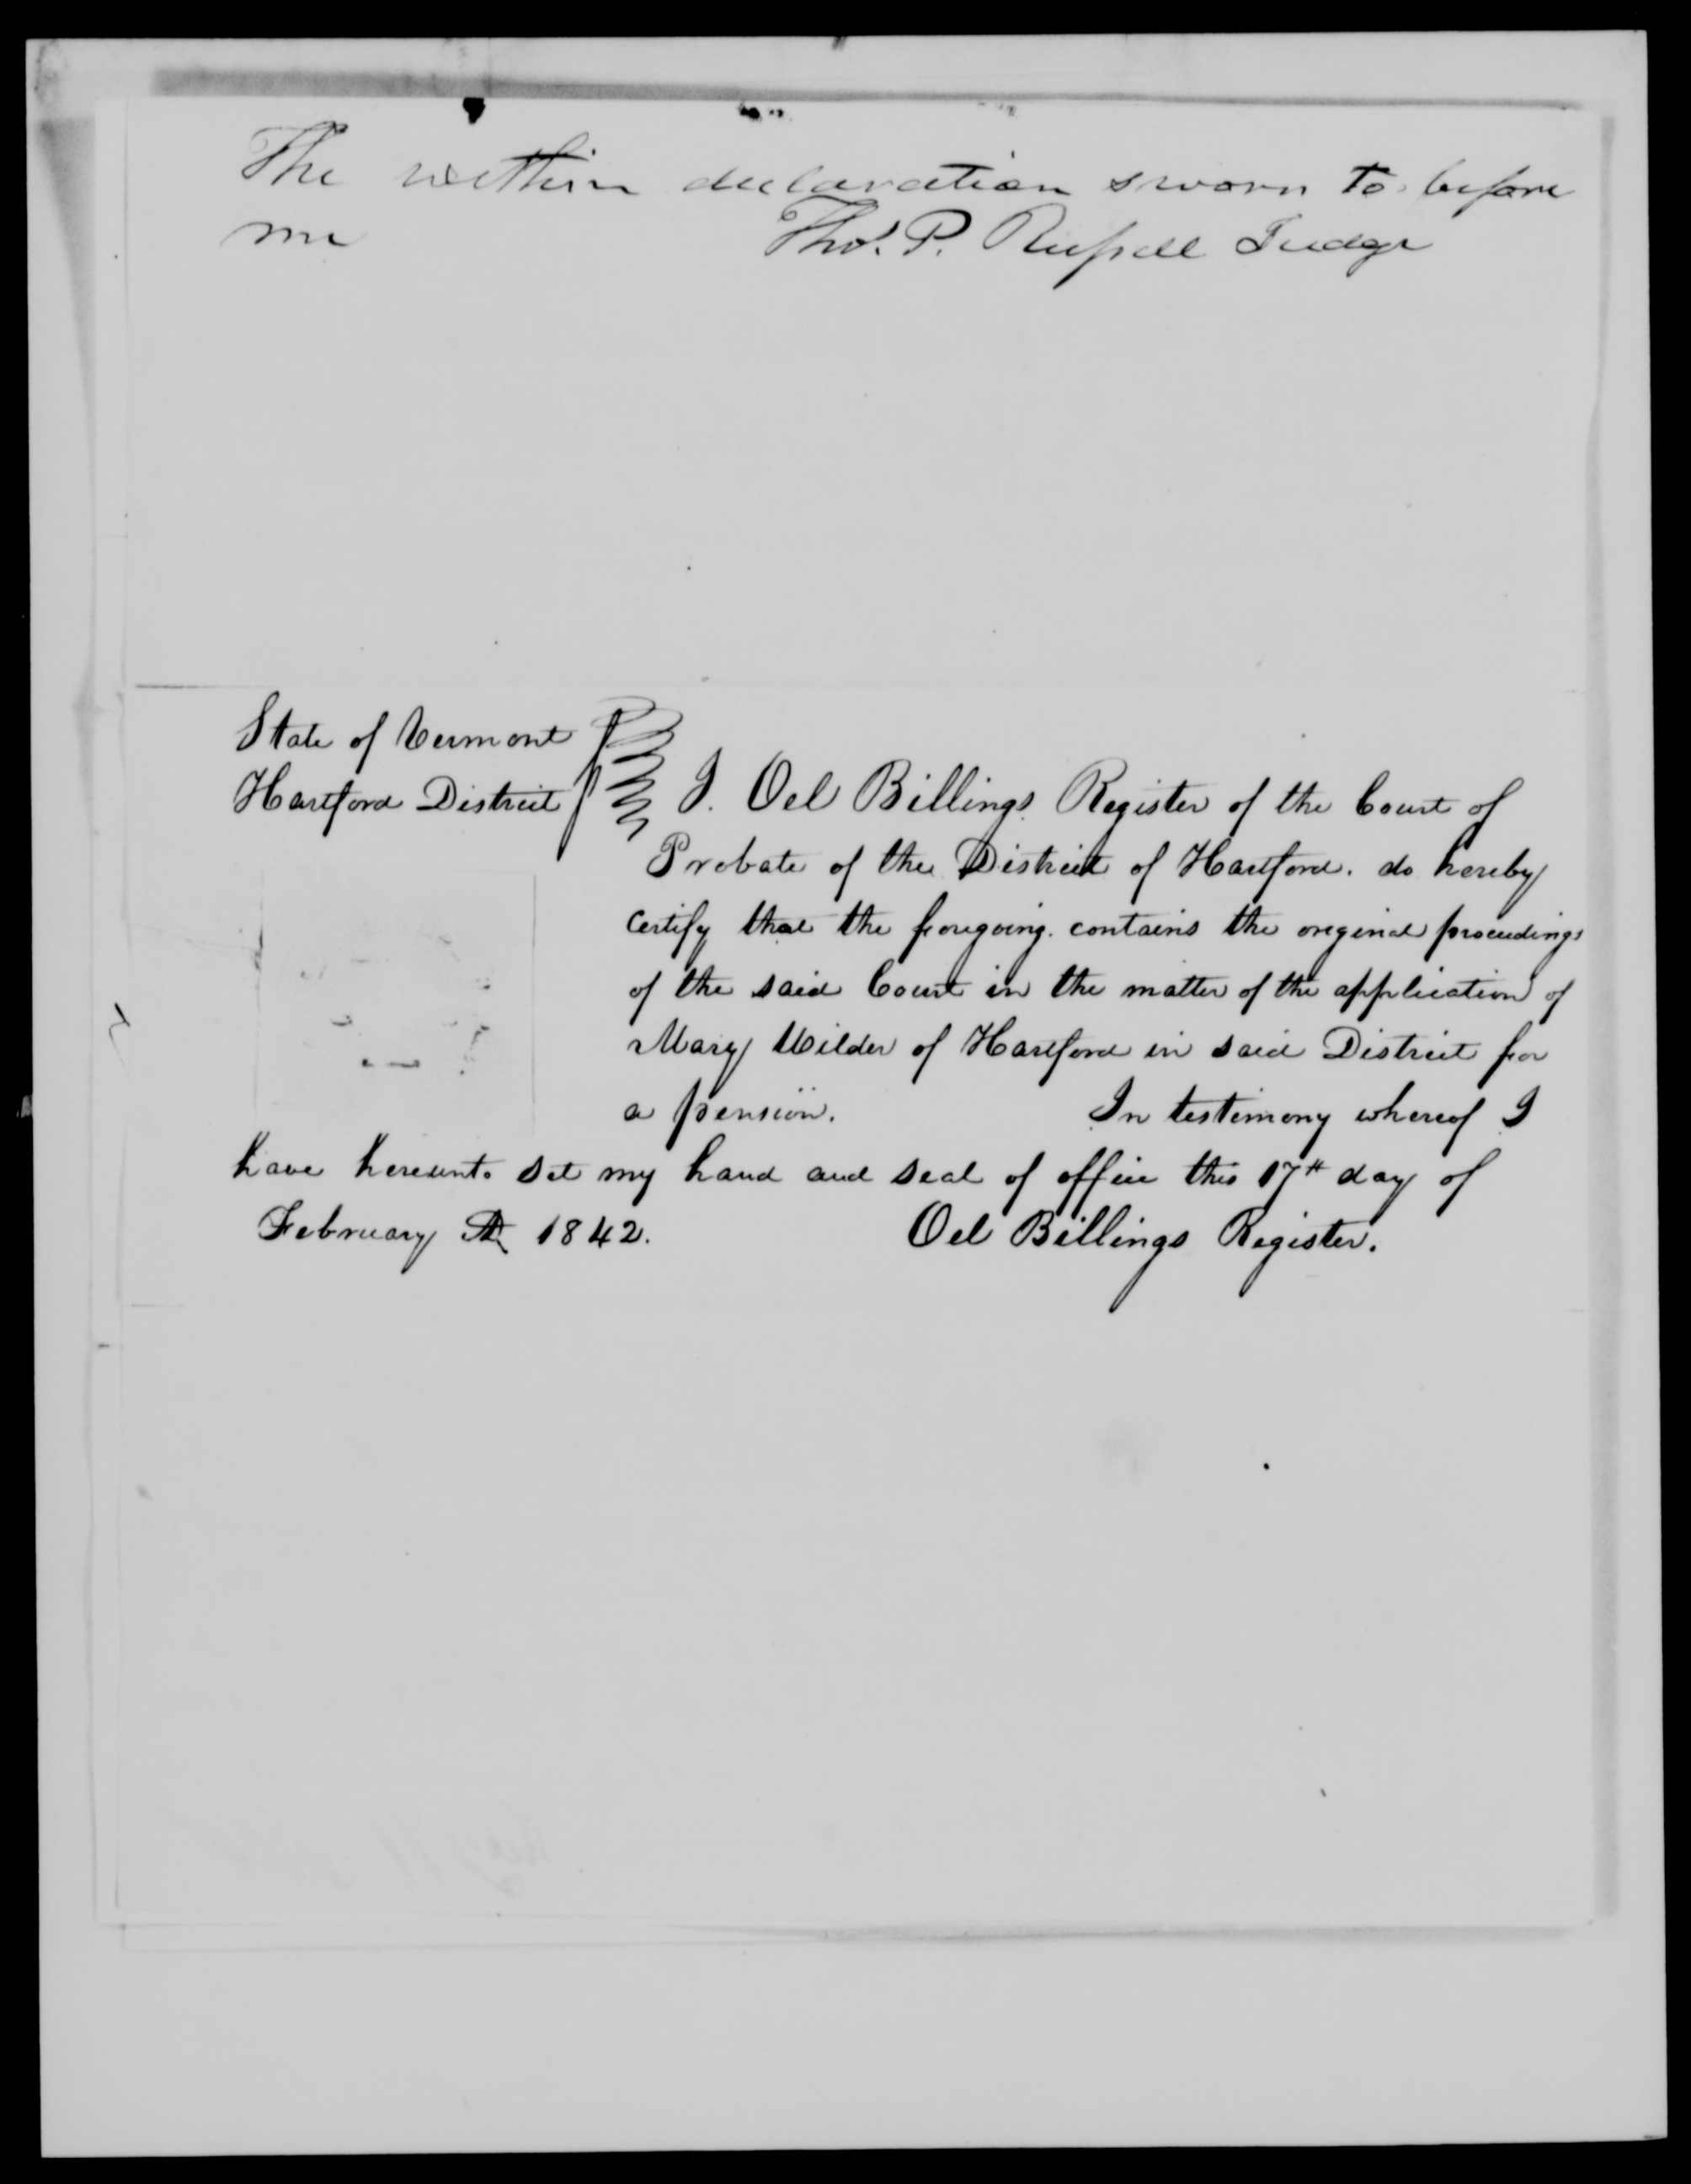The written declaration sworn to before
me   Tho. P. Russell Judge

State of Vermont
Hartford District

I Oel Billings Register of the Court of
Probate of the District of Hartford, do hereby
certify that the foregoing contains the original proceedings
of the said Court in the matter of the application of
Mary Wilder of Hartford in said District for
a pension.
In testimony whereof I
have hereunto set my hand and seal of office this 17th day of
February AD 1842.
Oel Billings Register.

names: Mary Wilder, Thos P Russell, Oel Billings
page: 10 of 40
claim: widow's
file: W. 18,426, Abel Wilder, Mass. N.H. Vt.